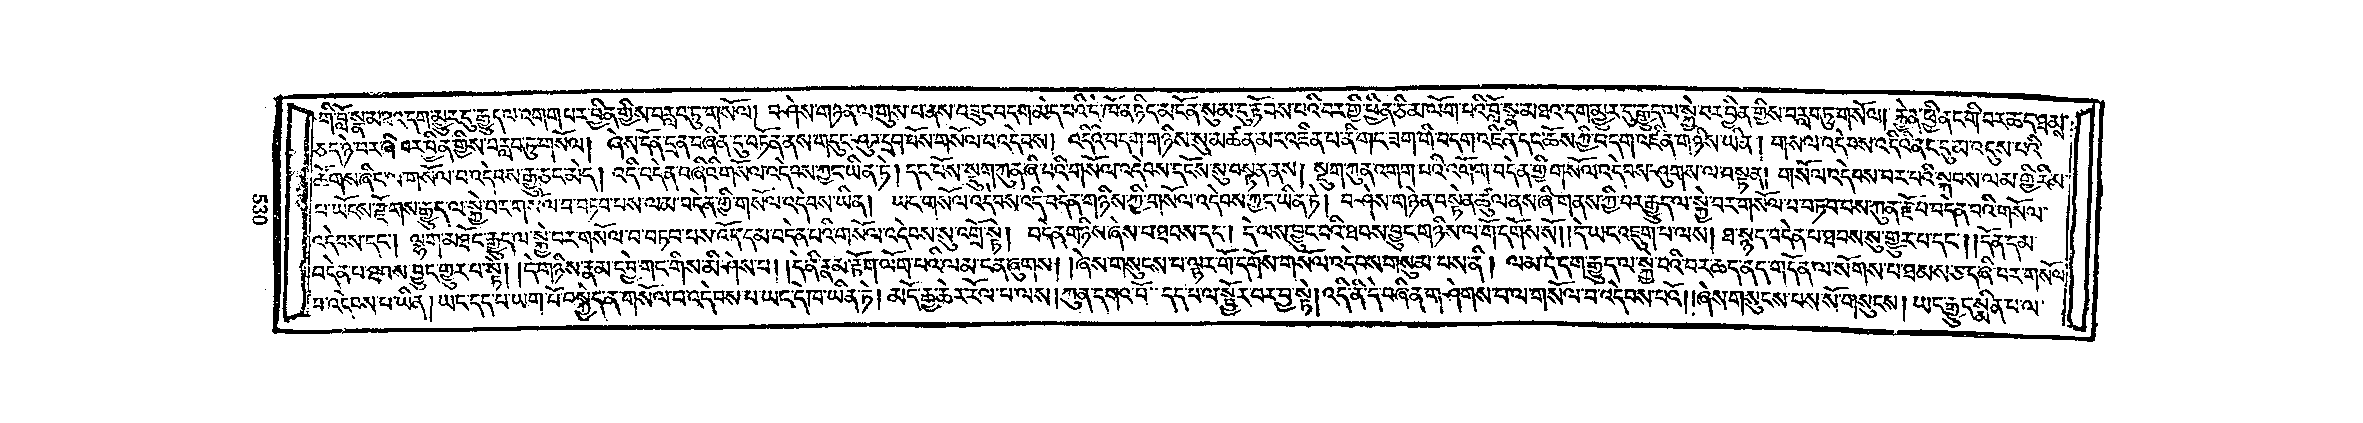གི་བློ་སྣ་མཐའ་དག་མྱུར་དུ་རྒྱུད་ལ་འགག་པར་བྱིན་གྱིས་བརླབ་ཏུ་གསོལ། བཤེས་གཉེན་ལ་གུས་པ་ནས་བཟུང་བདག་མེད་པའི་དེ་ཁོ་ན་ཉིད་མངོན་སུམ་དུ་རྟོགས་པའི་བར་གྱི་ཕྱིན་ཅི་མ་ལོག་པའི་བློ་སྣ་མཐའ་དག་མྱུར་དུ་རྒྱུད་ལ་སྐྱེ་བར་བྱིན་གྱིས་བརླབ་ཏུ་གསོལ། རྐྱེན་ཕྱི་ནང་གི་བར་ཆད་ཐམས་
ཅད་ཉེ་བར་ཞི་བར་བྱིན་གྱིས་བརླབ་ཏུ་གསོལ། ཞེས་དོན་དྲན་བཞིན་དུ་བཏོན་ནས་གདུང་ཤུགས་དྲག་པོས་གསོལ་བ་འདེབས། འདིའི་བདག་གཉིས་སུ་མཚན་མར་འཛིན་པ་ནི་གང་ཟག་གི་བདག་འཛིན་དང་ཆོས་ཀྱི་བདག་འཛིན་གཉིས་ཡིན། གསལ་འདེབས་འདིའི་ནང་དུ་མ་འདུས་པའི་
ཚོགས་ཞིང་ལ་གསོལ་བ་འདེབས་རྒྱུ་ཅང་མེད། འདི་བདེན་བཞིའི་གསོལ་འདེབས་ཀྱང་ཡིན་ཏེ། དང་པོས་སྡུག་ཀུན་ཞི་པའི་གསོལ་འདེབས་དངོས་སུ་བསྟན་ནས། སྡུག་ཀུན་འགག་པའི་འགོག་བདེན་གྱི་གསོལ་འདེབས་ཤུགས་ལ་བསྟན། གསོལ་འདེབས་པར་པའི་སྐབས་ལམ་གྱི་རིམ་
པ་ཡོངས་རྫོགས་རྒྱུད་ལ་སྐྱེ་བར་གསོལ་བ་བཏབ་པས་ལམ་བདེན་གྱི་གསོལ་འདེབས་ཡིན། ཡང་གསོལ་འདེབས་འདི་བདེན་གཉིས་ཀྱི་གསོལ་འདེབས་ཀྱང་ཡིན་ཏེ། བཤེས་གཉེན་བསྟེན་ཚུལ་ནས་ཞི་གནས་ཀྱི་བར་རྒྱུད་ལ་སྐྱེ་བར་གསོལ་བ་བཏབ་པས་ཀུན་རྫོབ་བདེན་པའི་གསོལ་
འདེབས་དང་། ལྷག་མཐོང་རྒྱུད་ལ་སྐྱེ་བར་གསོལ་བ་བཏབ་པས་འོད་དམ་བདེན་པའི་གསོལ་འདེབས་སུ་འགྲོ་སྟེ། བདེན་གཉིས་ཞེས་པ་ཐབས་དང་། དེ་ལས་བྱུང་བའི་ཐབས་བྱུང་གཉིས་ལ་གོ་དགོས་སོ། །དེ་ཡང་འཇུག་པ་ལས། ཐ་སྙད་བདེན་པ་ཐབས་སུ་གྱུར་པ་དང་། །དོན་དམ་
བདེན་པ་ཐབས་བྱུང་གྱུར་པ་སྟེ། །དེ་གཉིས་རྣམ་དབྱེ་གང་གིས་མི་ཤེས་པ། །དེ་ནི་རྣམ་རྟོག་ལོག་པའི་ལམ་ངན་ཞུགས། །ཞེས་གསུངས་པ་ལྟར་གོ་དགོས་གསོལ་འདེབས་གསུམ་པས་ནི། ལམ་དེ་དག་རྒྱུད་ལ་སྐྱེ་བའི་བར་ཆད་ནད་གདོན་ལ་སོགས་པ་ཐམས་ཅད་ཞི་བར་གསོལ་
བ་འདེབས་པ་ཡིན། ཡང་དད་པ་ཡག་པོ་བསྐྱེད་ན་གསོལ་བ་འདེབས་པ་ཡང་དེ་ཁ་ཡིན་ཏེ། མདོ་རྒྱ་ཆེར་རོལ་པ་ལས། ཀུན་དགའ་བོ་དད་པ་ལ་སྦྱོར་བར་བྱ་སྟེ། འདི་ནི་དེ་བཞིན་གཤེགས་པ་ལ་གསོལ་བ་འདེབས་པའོ། །ཞེས་གསུངས་པས་སོ་གསུངས། ཡང་རྒྱུད་སྨིན་པ་ལ་